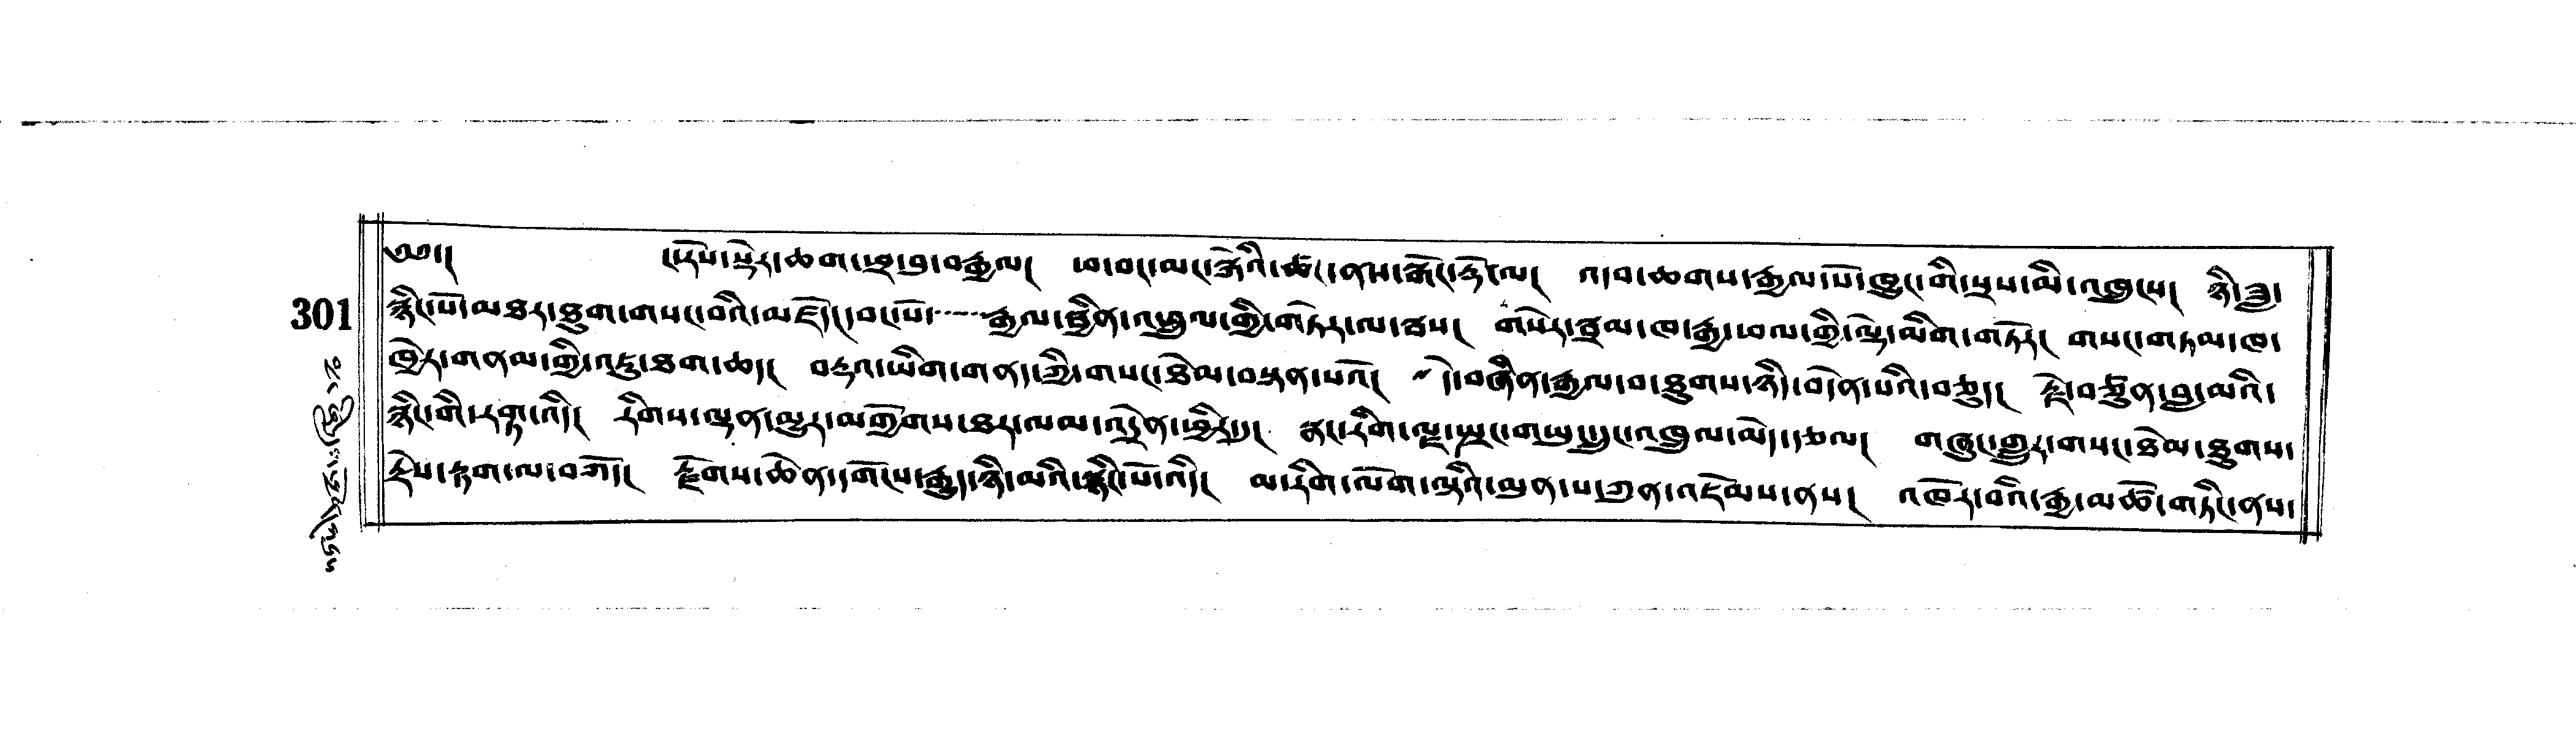ང་རོས་སྡེར་ཆགས་འཕྲ་བུ་བརྒྱལ། ཕ་བང་མང་སྐེའི་ཚང་ནས་སྒོང་རྡོ་ལ། འདབ་ཆགས་རྒྱལ་པོ་ཁྱུང་གི་སྲས་མི་འཁྲུངས། ཉི་ཟླ་
སྙིང་པོ་མཐར་ཐུག་གསང་བའི་མཛོད། དབང་པོ་བརྒྱ་བྱིན་འཕྲུལ་གྱི་གཏེར་ལ་སྦས། གསེར་སྦྲམ་ཁ་བརྒྱ་ཕལ་གྱི་ལྡེ་མིག་གཏོར། གསང་གཏམ་ཁ་
ཁྱེར་གནམ་གྱི་འཇུ་ཐག་ཆད། བརྡ་ཡིག་གནད་ཀྱི་གསང་ཐེམ་བསྟན་པའོ། ༧ དེ་བཞིན་རྒྱལ་བ་ཐུགས་ཉིད་བདེན་པའི་བཅུད། རྗེ་བཙུན་བླ་མའི་
སྙིང་གི་རཀྟ་འདི། རིགས་ལྡན་མྱུར་མགྱོགས་ཐར་ལམ་འདྲེན་ཕྱིར་དུ། སྣང་རིག་རྫ་སྤྲང་གཡུང་དྲུང་འཁྲུལ་མེད་རྩལ། གཞུང་གླུར་གསང་ཐེམ་
རྗེས་རྟགས་ལ་བཀོད། རྫོགས་ཆེན་དགོངས་རྒྱུད་ཉི་མའི་སྙིང་པོ་འདི། མ་རིག་ལོག་ལྟའི་མུན་པ་ཀུན་འཇོམས་ནས། འཁོར་བའི་རྒྱ་མཚོ་གཏིང་ནས་